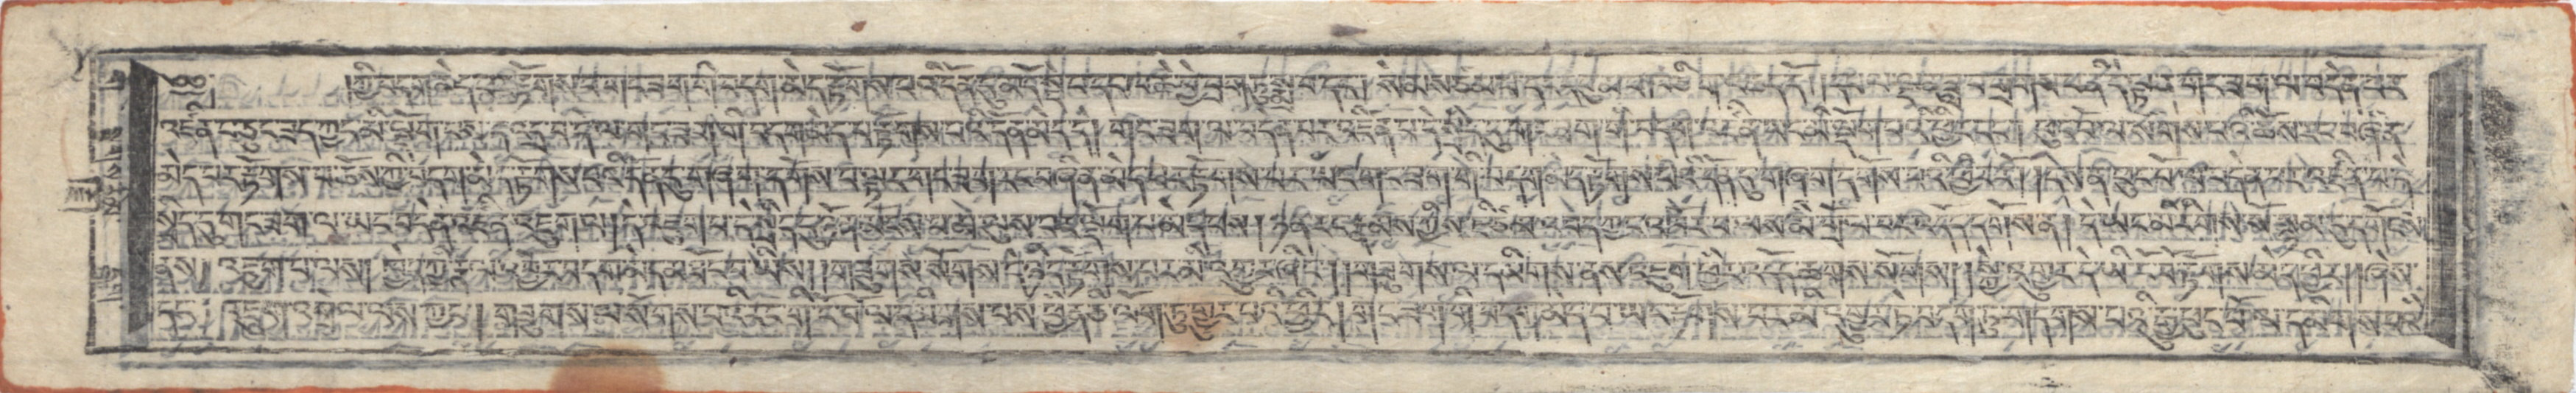༄༅། །ཀྱི་བདག་མེད་པར་རྟོགས་པ་གང་ཟག་གི་བདག་མེད་རྟོགས་པའི་དོན་དུ་མདོ་སྡེ་པ་དང་ཁ་ཆེ་བྱེ་བྲག་ཏུ་སྨྲ་བ་དང་། སེམས་ཙམ་པ་དང་དབུ་མ་པ་ཁ་ཅིག་འཆད་དོ། །དཔལ་ལྡན་ཟླ་བ་གྲགས་པ་ནི་དེ་ལྟ་ན་གང་ཟག་ལ་བདེན་པར་
འཛིན་པ་ཅུང་ཟད་ཀྱང་མི་ལྡོག་པས་དེ་འདྲ་བ་དེ་ལ་གང་ཟག་གི་བདག་མེད་པ་རྟོགས་པའི་དོན་མེད་དེ། གང་ཟག་ལ་བདེན་པར་འཛིན་པ་དེ་སྲིད་དུ་གང་ཟག་གི་བདག་འཛིན་ཡང་མི་ལྡོག་པའི་ཕྱིར་དང་། ཕུང་པོ་ལ་སོགས་པའི་ཆོས་རང་བཞིན་
མེད་པར་རྟོགས་པ་ཆོས་ཀྱི་བདག་མེད་རྟོགས་པའི་དོན་དུ་གཞག་དགོས་པ་ལྟར་གང་ཟག་རང་བཞིན་མེད་པར་རྟོགས་པར་ཡང་གང་ཟག་གི་བདག་མེད་རྟོགས་པའི་དོན་དུ་གཞག་དགོས་པའི་ཕྱིར་རོ། །དེས་ན་ཕུང་པོ་ལ་བདེན་པར་འཛིན་པ་དེ་
སྲིད་དུ་གང་ཟག་ལ་ཡང་བདེན་འཛིན་འཇུག་ལ། དེ་འཇུག་པ་དེ་སྲིད་དུ་ཉོན་མོངས་པ་མ་ལུས་པར་ལྡོག་པ་མེད་པས། ཉན་རང་རྣམས་ཀྱིས་ཇི་ཙམ་འབད་ཀྱང་འཁོར་བ་ལས་མི་གྲོལ་བར་འདོད་དགོས་ན། དེ་ཡང་མི་རིགས་སོ་སྙམ་དུ་དགོངས་
ནས། འཇུག་པ་ལས། ཁྱེད་ཀྱི་རྣལ་འབྱོར་བདག་མེད་མཐོང་བ་ཡིས། །གཟུགས་སོགས་དེ་ཉིད་རྟོགས་པར་མི་འགྱུར་ཞིང་། །གཟུགས་ལ་དམིགས་ནས་འཇུག་ཕྱིར་འདོད་ཆགས་སོགས། །སྐྱེ་འགྱུར་དེ་ཡི་ངོ་བོ་རྟོགས་མེད་ཕྱིར། །ཞེས་
དང་། འཇུག་འགྲེལ་ལས་ཀྱང་། གཟུགས་ལ་སོགས་པའི་རང་གི་ངོ་བོ་ལ་དམིགས་པས་ཕྱིན་ཅི་ལོག་ཏུ་གྱུར་པའི་ཕྱིར། གང་ཟག་གི་བདག་མེད་པ་ཡང་རྟོགས་པར་མི་འགྱུར་ཏེ་བདག་ཏུ་གདགས་པའི་རྒྱུ་ཕུང་པོ་ལ་དམིགས་པའི་